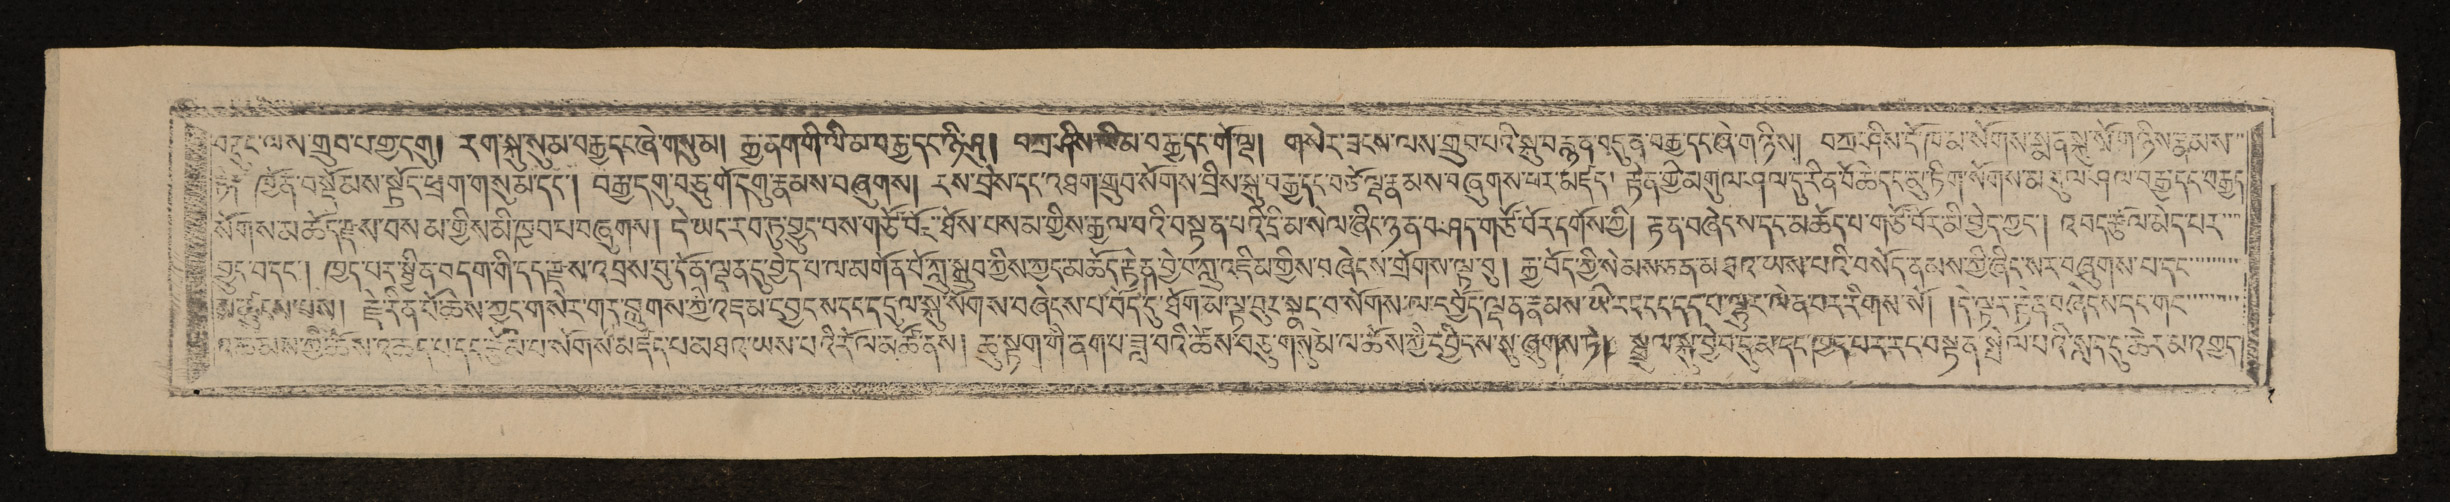བརྡུང་ལས་གྲུབ་པ་གྱ་དགུ། རག་སྐུ་སུམ་བརྒྱ་དང་ཞེ་གསུམ། རྒྱ་ནག་གི་ལི་མ་བརྒྱ་དང་ཉི་ཤུ། བཀྲ་ཤིས་ལི་མ་བརྒྱ་དང་གོ་ལྔ། གསེར་ཟངས་ལས་གྲུབ་པའི་སྐུ་བརྙན་བདུན་བརྒྱ་དང་ཞེ་གཉིས། བཀྲ་ཤིས་དོ་ཁམ་སོགས་སྨན་སྐུ་སོ་གཉིས་རྣམས་
ཏེ༑ ཁྱོན་བསྡོམས་སྟོང་ཕྲག་གསུམ་དང་། བརྒྱ་དགུ་བཅུ་གོ་དགུ་རྣམས་བཞུགས། རས་བྲིས་དང་འཐག་གྲུབ་སོགས་བྲིས་སྐུ་བརྒྱ་དང་བཅོ་ལྔ་རྣམས་བཞུགས་པར་མཛད། རྟེན་གྱི་མགུལ་ཤལ་དུ་རིན་པོ་ཆེ་དང་མུ་ཏིག་སོགས་མགུལ་ཤལ་བརྒྱ་དང་བརྒྱད་
སོགས་མཆོད་རྫས་བསམ་གྱིས་མི་ཁྱབ་པ་བཞུགས། དེ་ཡང་རབ་ཏུ་བྱུང་བས་གཙོ་བོར་ཐོས་བསམ་གྱིས་རྒྱལ་བའི་བསྟན་པའི་དྲི་མ་སེལ་ཞིང་ཉན་བཤད་གཙོ་བོར་དགོས་ཀྱི། རྟེན་བཞེངས་དང་མཆོད་པ་གཙོ་བོར་མི་བྱེད་ཀྱང་། འབད་རྩོལ་མེད་པར་
བྱུང་བ་དང་། ཁྱད་པར་སྦྱིན་བདག་གི་དད་རྫས་འབྲས་བུ་དོན་ལྡན་དུ་བྱེད་པ་ལ་མགོན་པོ་ཀླུ་སྒྲུབ་ཀྱིས་ཀྱང་མཆོད་རྟེན་བྱེ་བ་ཀླུ་འཇིམ་གྱིས་བཞེངས་གྲོགས་ལྟ་བུ། རྒྱ་བོད་ཀྱི་སེམས་ཅན་མཐའ་ཡས་པའི་བསོད་ནམས་ཀྱི་ཞིང་སར་བཞུགས་པ་དང་
མཚུངས་པས། རྗེ་རིན་པོ་ཆེས་ཀྱང་གསེར་གར་བླུགས་ཀྱི་འཇམ་དབྱངས་དང་དངུལ་སྐུ་སོགས་བཞེངས་པ་བོད་དུ་ཐོག་མ་ལྟ་བུར་སྣང་བ་སོགས་ལ་དཔྱོད་ལྡན་རྣམས་ཡི་རང་དང་དད་པ་ལྷུར་ལེན་པར་རིགས་སོ། །དེ་ལྟར་རྟེན་བཞེངས་དང་གང་
འཚམས་ཀྱི་ཆོས་འཆད་པ་དང་རྩོམ་པ་སོགས་མཛད་པ་མཐའ་ཡས་པའི་རོལ་མཚོ་ནས། ཆུ་སྟག་གི་ནག་པ་ཟླ་བའི་ཚེས་བཅུ་གསུམ་ལ་ཆོས་ཀྱི་དབྱིངས་སུ་ཞུགས་ཏེ། སྤྲུལ་སྐུ་བྱེ་བ་དུ་མ་དང་ཁྱད་པར་རང་བསྟན་སྤེལ་པའི་སླད་དུ་ཆེར་མ་འགྱང་